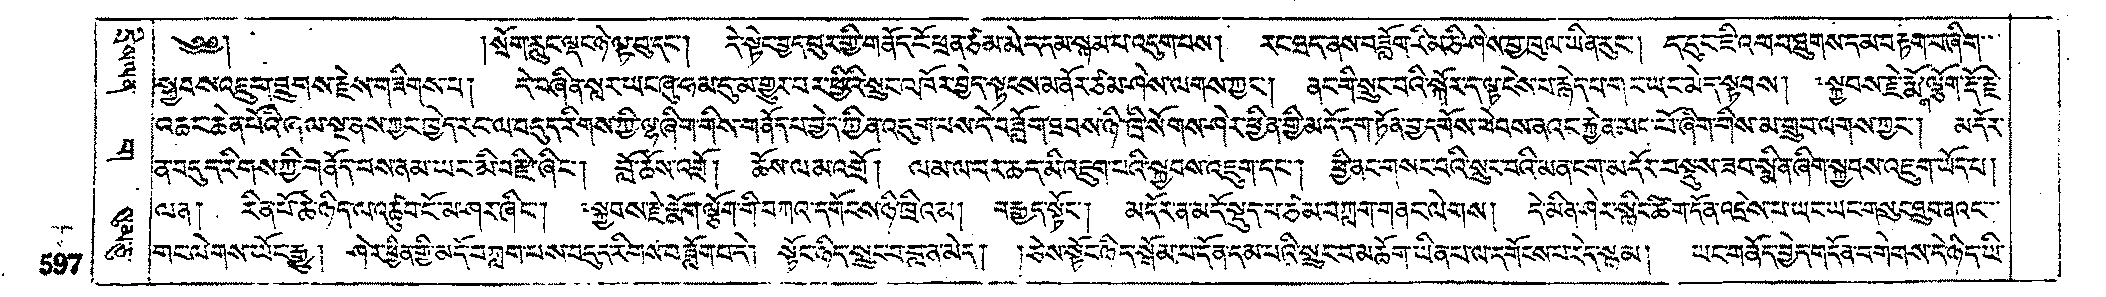༄༅། །སྲོག་རླུང་ལྡང་ཉེ་ལྟ་བུ་དང་། དེ་སྟེང་བྱད་ཕུར་གྱི་གནོད་ངོ་ཕྲན་ཙམ་མེད་དམ་སྙམ་པ་འདུག་པས། རང་ཐད་ནས་བཟློག་རིམ་ཅི་ཤེས་བྱ་ཁུལ་ཡིན་རུང་། ད་དུང་ཇི་འགབ་ཐུགས་དམ་བརྟག་པ་ཞིག་་་
སྐྱབས་འཇུག་ཐུགས་རྗེས་གཟིགས་པ། དེ་བཞིན་སླར་ཡང་ཞུ་ཧམ་དུ་མ་གྱུར་པར་ཕྱིའི་སྲུང་འཁོར་བྱེད་སྟངས་མ་ནོར་ཙམ་ཤེས་ལགས་ཀྱང་། ནང་གི་སྲུང་བའི་སྐོར་ད་ལྟ་ངེས་པ་རྙེད་པ་གང་ཡང་མེད་སྟབས། ༧སྐྱབས་རྗེ་རྨོག་ལྕོག་རྡོ་རྗེ་
འཆང་ཆེན་པོའི་ཞལ་སྔ་ནས་ཀྱང་ཁྱེད་རང་ལ་འབྡུད་རིགས་ཀྱི་ལྷ་ཞིག་གིས་གནོད་པ་བྱེད་ཀྱིན་འདུག་པས་དེ་བཟློག་ཐབས་ཉི་ཁྲི་སོགས་ཤེར་ཕྱིན་གྱི་མདོ་དག་ཏོན་བྱ་དགོས་བེབས་ནའང་རྐྱེན་མང་པོ་ཞིག་གིས་མ་གྲུབ་ལགས་ཀྱང་། མདོར་
ན་བདུད་རིགས་ཀྱི་གནོད་པས་ནམ་ཡང་མི་བརྫི་ཞིང་། བློ་ཆོས་འགྲོ། ཆོས་ལམ་འགྲོ། ལམ་ལ་བར་ཆད་མི་འཇུག་པའི་སྐྱབས་འཇུག་དང་། ཕྱི་ནང་གསང་བའི་སྲུང་བའི་མན་ངག་མདོར་བསྡུས་ཟབ་སྨིན་ཞིག་སྐྱབས་འཇུག་ཡོད་པ།
ལན། རིན་པོ་ཆེ་ཉིད་ལ་འཚུབ་ངོ་མ་ཤར་ཞིང་། ༧སྐྱབས་རྗེ་རྨོག་ལྕོག་གི་བཀའ་དགོངས་ཉི་ཁྲིའམ། བརྒྱད་སྟོང་། མདོར་ན་མདོ་སྡུད་པ་ཙམ་བཀླག་གནང་ལེགས། དེ་མིན་ཤེར་སྙིང་ཚིག་དོན་འདྲེས་པ་ཡང་ཡང་གསུང་ཐུབ་ནའང་་་
གང་ལེགས་ཡོང་རྒྱུ། ཤེར་ཕྱིན་གྱི་མདོ་བཀླག་པས་བདུད་རིགས་བཟློག་པ་དེ། སྟོང་ཉིད་སྲུང་བ་བླ་ན་མེད། །ཅེས་སྟོང་ཉིད་སྒོམ་པ་དོན་དམ་པའི་སྲུང་བ་མཆོག་ཡིན་པ་ལ་དགོངས་པ་རེད་སྙམ། ཡང་གནོད་བྱེད་གདོན་བགེགས་དེ་ཉིད་ཡི་